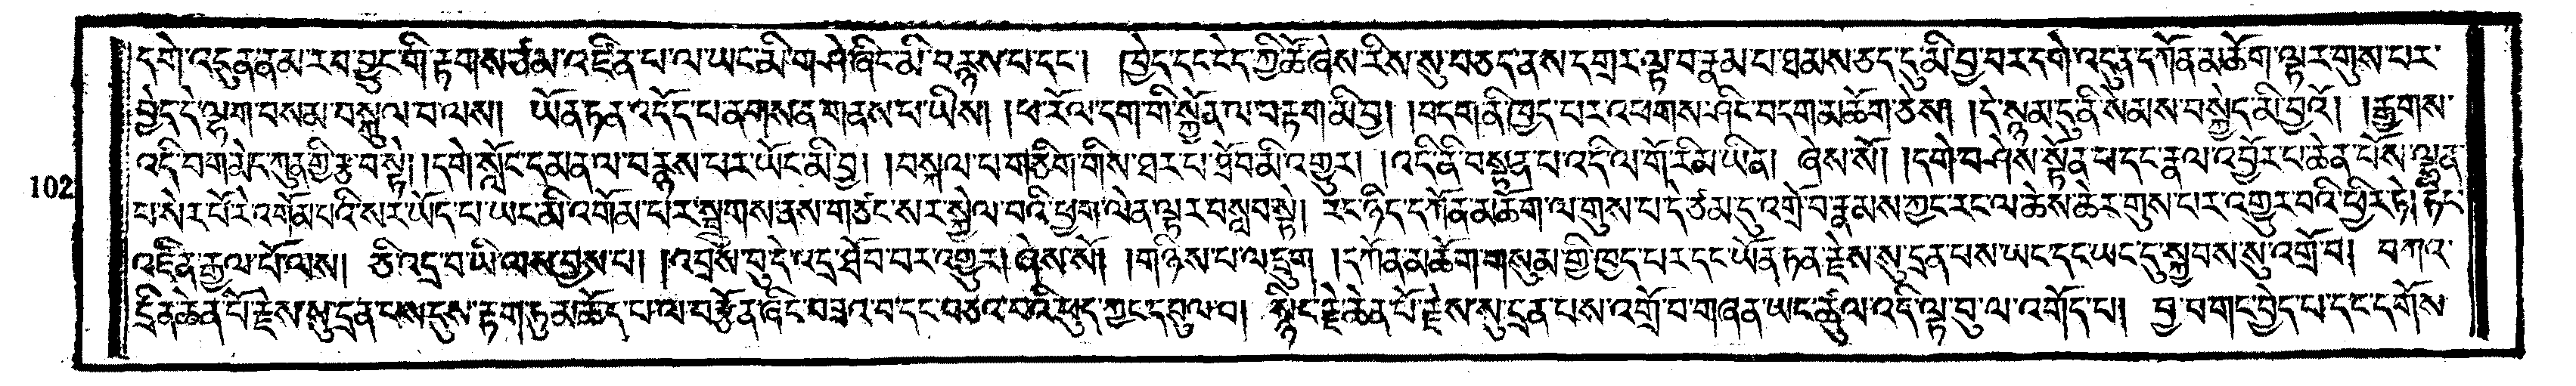དགེ་འདུན་ནམ་རབ་བྱུང་གི་རྟགས་ཙམ་འཛིན་པ་ལ་ཡང་མི་གཤེ་ཞིང་མི་བརྙས་པ་དང་། ཁྱེད་དང་ངེད་ཀྱི་ཚོ་ཞེས་རིས་སུ་བཅད་ནས་དགྲར་ལྟ་བ་རྣམ་པ་ཐམས་ཅད་དུ་མི་བྱ་བར་དགེ་འདུན་དཀོན་མཆོག་ལྟར་གུས་པར་
བྱེད་དེ་ལྷག་བསམ་བསྐུལ་བ་ལས། ཡོན་ཏན་འདོད་པ་ནགས་ན་གནས་པ་ཡིས། །ཕ་རོལ་དག་གི་སྐྱོན་ལ་བརྟག་མི་བྱ། །བདག་ནི་ཁྱད་པར་འཕགས་ཤིང་བདག་མཆོག་ཅེས། །དེ་སྙམ་དུ་ནི་སེམས་བསྐྱེད་མི་བྱའོ། །རྒྱགས་
འདི་བག་མེད་ཀུན་གྱི་རྩ་བ་སྟེ། །དགེ་སློང་དམན་ལ་བརྙས་པར་ཡོང་མི་བྱ། །བསྐལ་པ་གཅིག་གིས་ཐར་པ་ཐོབ་མི་འགྱུར། །འདི་ནི་བསྟན་པ་འདི་ལ་གོ་རིམ་ཡིན། ཞེས་སོ། །དགེ་བཤེས་སྟོན་པ་དང་རྣལ་འབྱོར་པ་ཆེན་པོས་ལྷན་
པ་སེར་པོ་རེ་འགོམ་པའི་སར་ཡོད་པ་ཡང་མི་འགོམ་པར་སྦྲུགས་ནས་གཙང་སར་སྐྱེལ་བའི་ཕྱག་ལེན་ལྟར་བསླབ་སྟེ། རང་ཉིད་དཀོན་མཆོག་ལ་གུས་པ་དེ་ཙམ་དུ་འགྲོ་བ་རྣམས་ཀྱང་རང་ལ་ཆེས་ཆེར་གུས་པར་འགྱུར་བའི་ཕྱིར་ཏེ། ཏིང་
འཛིན་རྒྱལ་པོ་ལས། ཅི་འདྲ་བ་ཡི་ལས་བྱས་པ། །འབྲས་བུ་དེ་འདྲ་ཐོབ་པར་འགྱུར། ཞེས་སོ། །གཉིས་པ་ལ་དྲུག །དཀོན་མཆོག་གསུམ་གྱི་ཁྱད་པར་དང་ཡོན་ཏན་རྗེས་སུ་དྲན་པས་ཡང་དུ་སྐྱབས་སུ་འགྲོ་བ། བཀའ་
དྲིན་ཆེན་པོ་རྗེས་སུ་དྲན་པས་དུས་རྟག་ཏུ་མཆོད་པ་ལ་བརྩོན་ཞིང་བཟའ་བ་དང་བཅའ་བའི་ཕུད་ཀྱང་དབུལ་བ། སྙིང་རྗེ་ཆེན་པོ་རྗེས་སུ་དྲན་པས་འགྲོ་བ་གཞན་ཡང་ཚུལ་འདི་ལྟ་བུ་ལ་འགོད་པ། བྱ་བ་གང་བྱེད་པ་དང་དགོས་